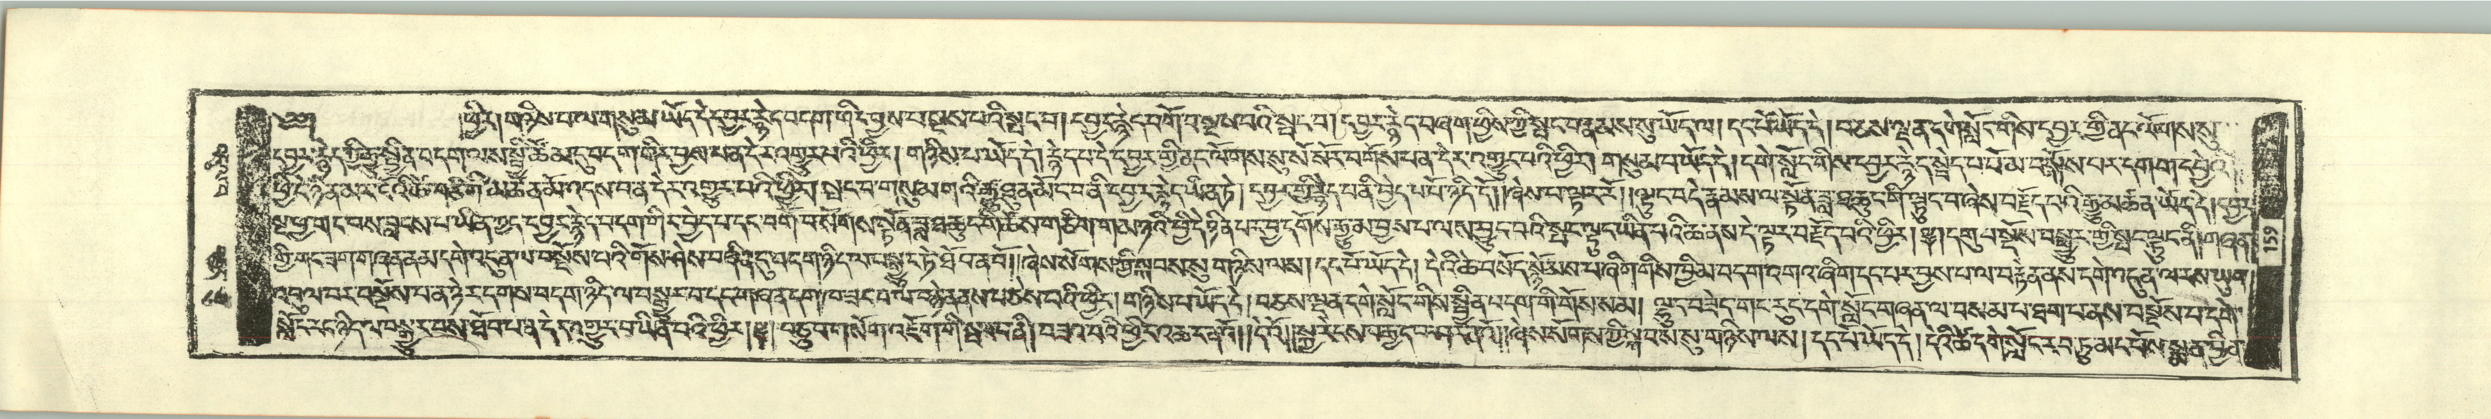༄༅། །ཕྱིར། གཉིས་པ་ལ་གསུམ་ཡོད་དེར་བྱར་རྙེད་བདག་གིས་དབྱར་པ་སྔས་པའི་སྤང་བ། དབྱར་རྙེད་བགོ་བ་སྔས་པའི་སྤང་པ། དབྱར་རྙེད་བཞག་ཕྱིས་ཀྱི་སྤང་པ་རྣམས་སུ་ཡོད་ལ། དང་པོ་ཡོད་དེ། བཅས་ལྡན་དགེ་སློང་གིས་དབྱར་གྱི་ནང་ལོགས་སུ་
དབྱར་རྙེད་ཀྱི་རྒྱུ་སྦྱིན་བདག་ལས་སྤྱི་ཚོམ་དུ་བདག་གིར་བྱས་པ་ན་དེར་འགྱུར་པའི་ཕྱིར། གཉིས་པ་ཡོད་དེ། རྙེད་པ་དེ་དབྱར་གྱི་ནང་ལོགས་སུ་སོ་སོར་བགོས་པ་ན་དེར་འགྱུར་བའི་ཕྱིར། གསུམ་པ་ཡོད་དེ། དགེ་སློང་གིས་དབྱར་རྙེད་སྦེད་པ་པོ་མ་བསྐོས་པར་དགག་དབྱེའི།
ཕྱི་དེ་ཉིན་མར་ངོའི་ཚེ་གཅིག་གི་མཚན་མོ་འདས་པ་ན་དེར་འགྱུར་བའི་ཕྱིར། སྤང་བ་གསུམ་གའི་རྒྱུ་ཐུན་མོང་བ་ནི་དབྱར་རྙེད་ཡིན་ཏེ། དབྱར་གྱི་རྙེད་པ་ནི་བྱེད་པ་པོ་ཉིད་དོ། །ཞེས་པ་ལྟར་རོ། །ལྟུང་བདེ་རྣམས་ལ་སྟོན་ཟླ་ཐ་ཆུང་གི་ལྟུང་བ་ཞེས་བརྗོད་པའི་རྒྱུ་མཚན་ཡོད་དེ། དབྱར་
སྔ་ཕྱི་གང་བས་བླངས་པ་ཡིན་ཀྱང་དབྱར་རྙེད་བདག་གི་འབྱེད་པ་དང་བགོ་བ་སོགས་སྟོན་ཟླ་ཐ་ཆུང་གི་ཆོས་གཅིག་གམ་ཉའི་ཕྱི་དེ་ཉིན་པར་བྱ་དགོས་རྒྱུ་མ་བྱས་པ་ལས་བྱུང་བའི་སྤང་ལྟུང་ཡིན་པའི་ཆ་ནས་དེ་ལྟར་བརྗོད་པའི་ཕྱིར། ༈ །དགུ་པ་སྔོས་བསྒྱུར་གྱི་སྤང་ལྟུང་ནི། གཞན་
གྱི་གང་ཟག་གཞན་ནམ་དགེ་འདུན་ལ་བསྔོས་པའི་གོས་ཤེས་བཞིན་དུ་བདག་ཉིད་ལ་བསྒྱུར་ཏེ་ཐོབ་ན་བོ། །ཞེས་སོགས་ཀྱིས་སྐབས་སུ་གཉིས་ལས། དང་པོ་ཡོད་དེ། དེའི་ཚེ་བསོད་སྙོམས་པ་ཞིག་གིས་ཁྱིམ་བདག་འགའ་ཞིག་དང་པར་བྱས་པ་ལ་བརྟེན་ནས་དགེ་འདུན་ལ་རས་ཡུལ་
འབུལ་བར་བསྔོས་པ་ན་ཉེར་དགས་བདག་ཉིད་ལ་བསྒྱུར་བ་དང་གཞན་དག་ཁ་ཟང་བ་ལ་བརྙེན་ནས་བཅེས་པའི་ཕྱིར། གཉིས་པ་ཡོད་དེ། བཅས་ལྡན་དགེ་སློང་གིས་སྦྱིན་བདག་གི་གོས་སམ། ལྷུང་བཟེད་གང་རུང་དགེ་སློང་གཞན་ལ་བསམ་པ་ཐག་པ་ནས་བསྔོས་པ་དགེ་
སློང་རང་ཉིད་ལ་བསྒྱུར་བས་ཐོབ་པ་ན་དེར་འགྱུར་བ་ཡིན་པའི་ཕྱིར། ༈ །བཅུ་པ་གསོག་འཇོག་གི་སྤང་བ་ནི། བཟའ་བའི་ཕྱིར་འཆར་ནའོ། །དེའོ། །སྐྱ་རེངས་བརྒྱད་པ་ཤར་ནའོ། །ཞེས་སོགས་ཀྱི་སྐབས་སུ་གཉིས་ལས། དང་པོ་ཡོད་དེ། དེའི་ཚེ་དགེ་སློང་རབ་ཏུ་མང་པོས་སྨན་བྱིན་